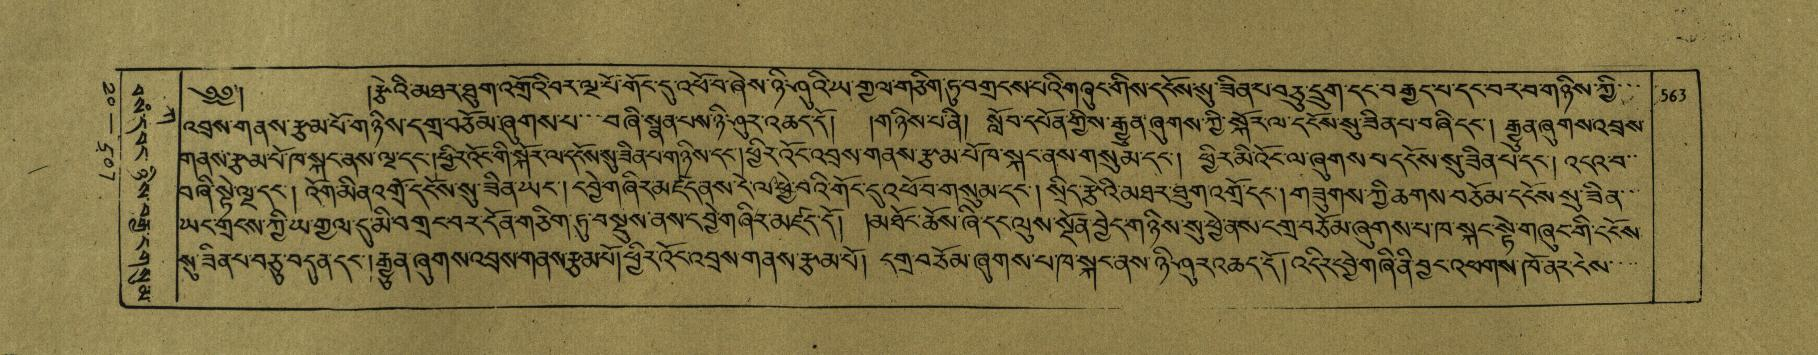༄༅། །རྩེའི་མཐར་ཐུག་འགྲོའི་བར་ལྔ་པོ་གོང་དུ་འཕོ་བ་ཞེས་ཉི་ཤུའི་ཡ་གྱལ་གཅིག་ཏུ་བགྲངས་པའི་གཞུང་གིས་དངོས་སུ་ཟིན་པ་བཅུ་དྲུག་དང་བརྒྱད་པ་དང་བར་བ་གཉིས་ཀྱི་
འབྲས་གནས་རྩམ་པོ་གཉིས་དགྲ་བཅོམ་ཞུགས་པ་བཞི་སྣན་པས་ཉི་ཤུར་འཆད་དོ། །གཉིས་པ་ནི། སློབ་དཔོན་གྱིས་རྒྱུན་ཞུགས་ཀྱི་སྐོར་ལ་དངོས་སུ་ཟིན་པ་བཞི་དང་། རྒྱུན་ཞུགས་འབྲས་
གནས་རྩམ་པོ་ཁ་སྐང་ནས་ལྔ་དང་། ཕྱིར་འོང་གི་སྐོར་ལ་དངོས་སུ་ཟིན་པ་གཉིས་དང་། ཕྱིར་འོང་འབྲས་གནས་རྩམ་པོ་ཁ་སྐང་ནས་གསུམ་དང་། ཕྱིར་མི་འོང་ལ་ཞུགས་པ་དངོས་སུ་ཟིན་པ་དང་། འདའ་བ་
བཞི་སྟེ་ལྔ་དང་། འོག་མིན་འགྲོ་དངོས་སུ་ཟིན་ཡང་། དབྱེ་གཞིར་མཛད་ནས་དེ་ལ་ཕྱེ་བའི་གོང་དུ་འཕོ་བ་གསུམ་དང་། སྲིད་རྩེའི་མཐར་ཐུག་འགྲོ་དང་། གཟུགས་ཀྱི་ཆགས་བཅོམ་དངོས་སུ་ཟིན་
ཡང་གྲངས་ཀྱི་ཡ་གྱལ་དུ་མི་བགྲང་བར་དོན་གཅིག་ཏུ་བསྡུས་ནས་དབྱེ་གཞིར་མཛད་དོ། །མཐོང་ཆོས་གཞི་དང་ལུས་སྔོན་བྱེད་གཉིས་སུ་ཕྱེ་ནས་དགྲ་བཅོམ་ཞུགས་པ་ཁ་སྐང་སྟེ་གཞུང་གི་དངོས་
སུ་ཟིན་པ་བཅུ་བདུན་དང་། རྒྱུན་ཞུགས་འབྲས་གནས་རྩམ་པོ། ཕྱིར་འོང་འབྲས་གནས་རྩམ་པོ། དགྲ་བཅོམ་ཞུགས་པ་ཁ་སྐང་ནས་ཉི་ཤུར་འཆད་དོ། འདིར་དབྱེ་གཞི་ནི་བྱང་འཕགས་ཁོ་ནར་ངེས་